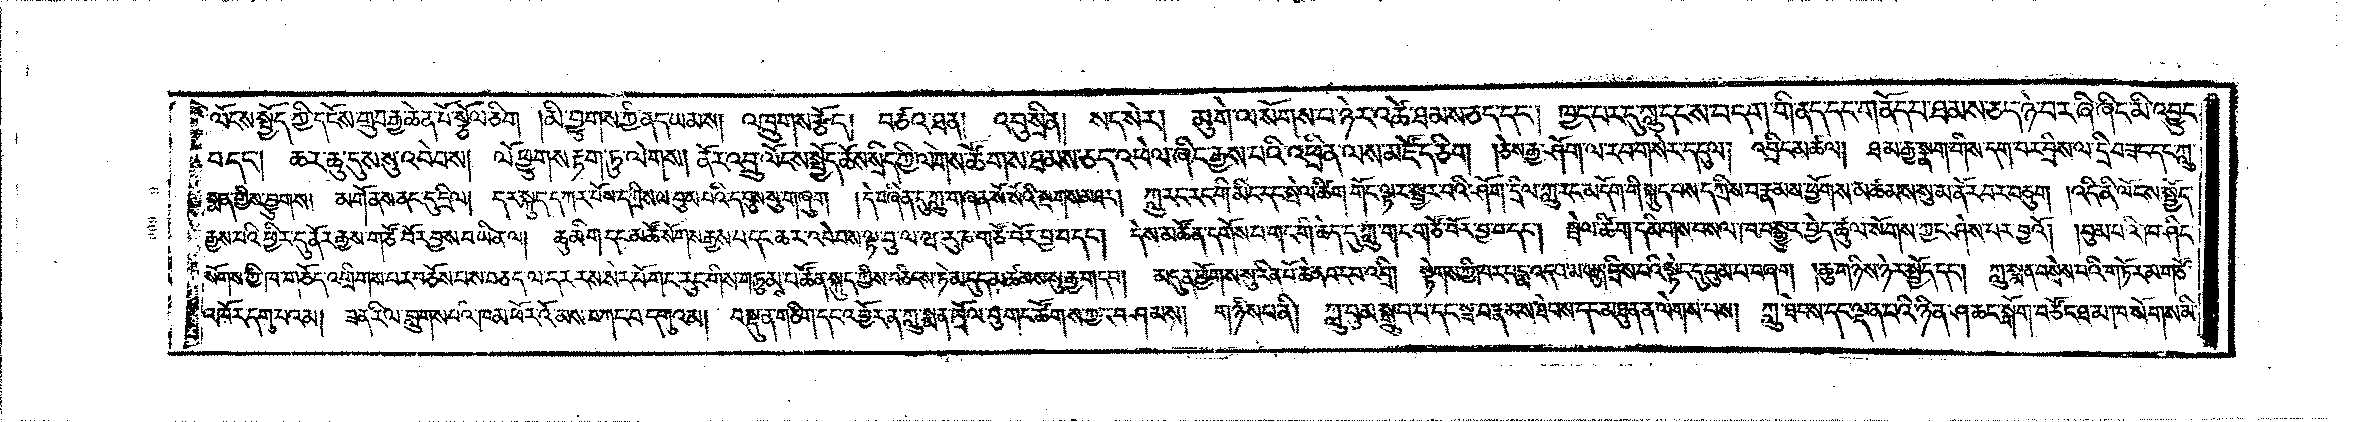ལོངས་སྤྱོད་ཀྱི་དངོས་གྲུབ་རྒྱ་ཆེན་པོ་སྩོལ་ཅིག །མི་བྱུགས་ཀྱི་ནད་ཡམས། འཁྲུགས་རྩོད། བཙའ་ཐན། འབུ་སྲིན། སད་སེར། མུ་གེ་ལ་སོགས་པ་ཉེར་འཚེ་ཐམས་ཅད་དང་། ཁྱད་པར་དུ་ཀླུ་དང་ས་བདག་གི་ནད་དང་གནོད་པ་ཐམས་ཅད་ཉེ་བར་ཞི་ཞིང་མི་འབྱུང་
བ་དང་། ཆར་ཆུ་དུས་སུ་འབེབས། ལོ་ཕྱུགས་རྟག་ཏུ་ལེགས། ནོར་འབྲུ་ལོངས་སྤྱོད་ཆོས་སྲིད་ཀྱི་ལེགས་ཚོགས་ཐམས་ཅད་འཕེལ་ཞིང་རྒྱས་པའི་འཕྲིན་ལས་མཛོད་ཅིག །ཅེས་རྒྱ་ཤོག་ལ་རབ་གསེར་དངུལ། འབྲིང་མཚལ། ཐ་མ་རྒྱ་སྣག་གིས་དག་བར་བྲིས་ལ་དྲི་བཟང་དང་ཀླུ་
སྨན་གྱིས་བྱུགས། མགོ་ནས་ནང་དུ་དྲིལ། ད་ར་སྐུད་དཀར་པོས་དཀྲིས་ལ་བུམ་པའི་དབུས་སུ་གཞུག །དེ་བཞིན་དུ་ཀླུ་གཞན་སོ་སོའི་སྔགས་མཐར། ཀླུ་རང་རང་གི་མིང་དང་སྤེལ་ཚིག་གོང་ལྟར་སྦྱར་བའི་ཤོག་དྲིལ་ཀླུ་རང་མདོག་གི་སྐུད་བས་དཀྲིས་བ་རྣམས་ཕྱོགས་མཚམས་སུ་མ་ནོར་བར་བཅུག །འདི་ནི་ལོངས་སྤྱོད་
རྒྱས་པའི་ཕྱིར་དུ་ནོར་རྒྱས་གཙོ་བོར་བྱས་པ་ཡིན་ལ། ཆུ་མིག་དང་མཚོ་སོགས་རྒྱས་པ་དང་ཆར་འབེབས་ལྟ་བུ་ལ་ཝ་རུ་ཎ་གཙོ་བོར་བྱ་བ་དང་། དེས་མཚོན་དགོས་པ་གང་གི་ཆེད་དུ་ཀླུ་གང་གཙོ་བོར་བྱ་བ་དང་། སྦེལ་ཚིག་དམིགས་བསལ་ཁ་བསྒྱུར་བྱེད་ཚུལ་སོགས་ཀྱང་ཤེས་པར་བྱའོ། །བུམ་པའི་ཁ་ཤིང་
སོགས་ཀྱི་ཁ་གཅོད་འགྲིགས་པར་བཅོས་པས་བཅད་ལ་དར་རས་སེར་པོ་གང་རུང་གིས་གཏུམས་པ་ཚོན་སྐུད་ཀྱིས་བཅིངས་ཏེ་མདུད་མཚམས་སུ་རྒྱ་གདབ། མདུན་ཕྱོགས་སུ་རིན་པོ་ཆེན་བར་བ་འབྲི། སྟེགས་ཀྱི་ཁར་པདམ་འདབ་མ་བརྒྱད་བྲིས་པའི་སྟེང་དུ་བུམ་པ་བཞག །ཆུ་གཉིས་ཉེར་སྤྱོད་དང་། ཀླུ་སྨན་བསྲེས་པའི་གཏོར་མ་གཙོ་
འཁོར་དགུ་པའམ། ཟན་རིལ་བླུགས་པའི་ཁམ་ཕོར་འོ་མས་བཀང་བ་དགུའམ། བསྡུ་ནག་གཅིག་དང་འབྱོར་ན་ཀླུ་སྨན་ཁྲོལ་བུ་གང་ཚོགས་ཀྱང་བཤམས། གཉིས་པ་ནི། ཀླུ་བུམ་སྒྲུབ་པ་དང་སྦ་བ་རྣམས་ཐེབས་དང་མཐུན་ན་ལེགས་པས། ཀླུ་ཐེབས་དང་ལྡན་པའི་ཉིན་ཤ་ཆང་སྒོག་བཙོང་ཐ་མ་ཁ་སོགས་མི་